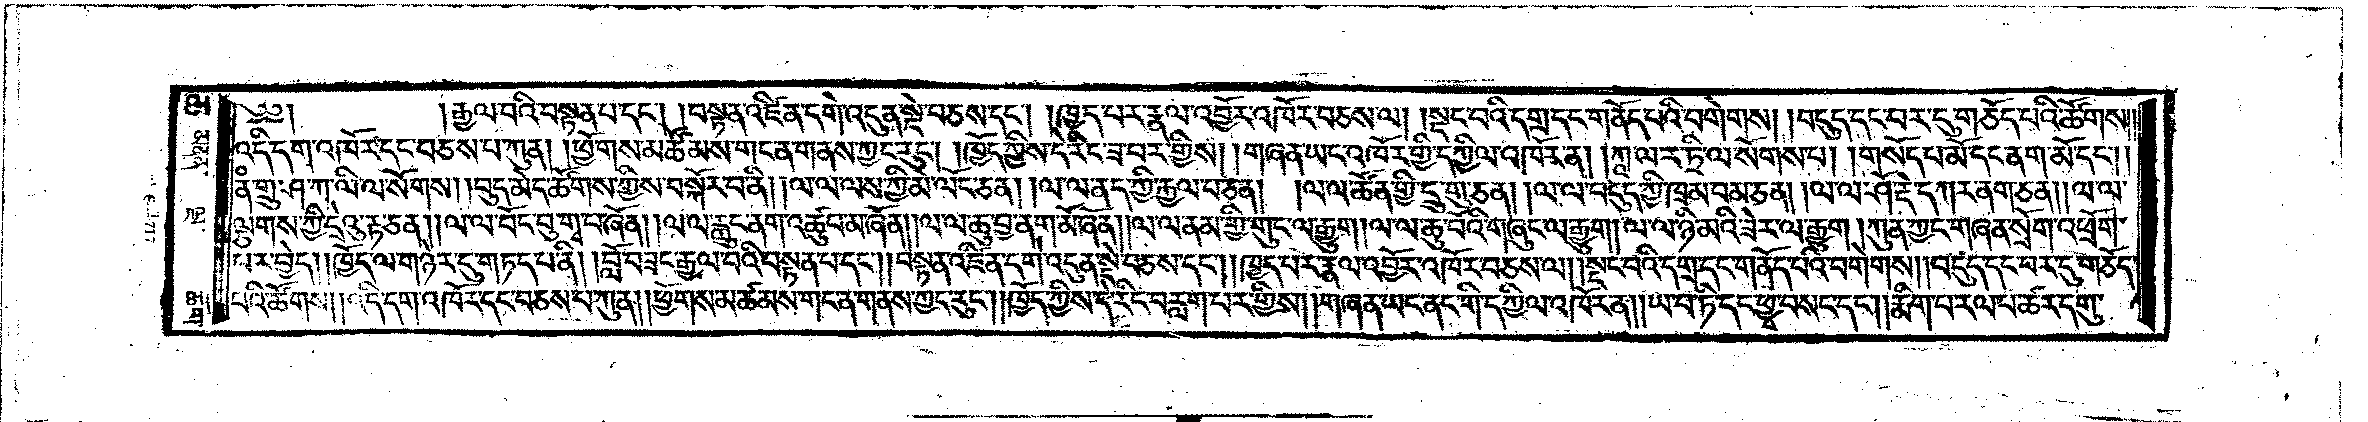༄༅། །རྒྱལ་བའི་བསྟན་པ་དང་། །བསྟན་འཛིན་དགེ་འདུན་སྡེ་བཅས་དང་། །ཁྱད་པར་རྣལ་འབྱོར་འཁོར་བཅས་ལ། །སྡང་བའི་དགྲ་དང་གནོད་པའི་བགེགས། །བདུད་དང་བར་དུ་གཅོད་པའི་ཚོགས།།
འདི་དག་འཁོར་དང་བཅས་པ་ཀུན། །ཕྱོགས་མཚོམས་གང་ན་གནས་ཀྱང་རུང་། །ཁྱོད་ཀྱིས་དེ་རིང་ཟ་བར་གྱིས། །གཞན་ཡང་འཁོར་གྱི་དཀྱིལ་འཁོར་ན། །ཀཱ་ལ་ར་ཏྲི་ལ་སོགས་པ། །གསོད་པ་མོ་དང་ནག་མོ་དང་། །
ནཾ་གྲུ་ཤ་ཀ་ལི་ལ་སོགས། །བུད་མེད་ཚོགས་ཀྱིས་བསྐོར་བ་ནི། །ལ་ལ་ལས་ཀྱི་མེ་ལོང་ཅན། །ལ་ལ་ནད་ཀྱི་རྒྱལ་བ་ཅན། །ལ་ལ་ཚོན་གྱི་དྲུ་གུ་ཅན། །ལ་ལ་བདུད་ཀྱི་ཁྲམ་བམ་ཅན། །ལ་ལ་ཤོ་རྡེ་དཀར་ནག་ཅན། །ལ་ལ་
ལྕགས་ཀྱི་དྲེའུ་རྟ་ཅན། །ལ་ལ་བོང་བུ་གྭ་བ་ཞོན། །ལ་ལ་རླུང་ནག་འཚུབ་མ་ཞོན། །ལ་ལ་ཆུ་བྱ་ནག་མོ་ཞོན། །ལ་ལ་ནམ་གྱི་གུང་ལ་རྒྱུག། །ལ་ལ་ཆུ་བོའི་གཞུང་ལ་རྒྱུག །ལ་ལ་ཉི་མའི་ཟེར་ལ་རྒྱུག །ཀུན་ཀྱང་གཞན་སྲོག་འཕྲོག་
པར་བྱེད། །ཁྱོད་ལ་གཉེར་དུ་གཏད་པ་ནི། །བློ་བཟང་རྒྱལ་བའི་བསྟན་པ་དང་། །བསྟན་འཛིན་དགེ་འདུན་སྡེ་བཅས་དང་། །ཁྱད་པར་རྣལ་འབྱོར་འཁོར་བཅས་ལ། །སྡང་བའི་དགྲ་དང་གནོད་པའི་བགེགས། །བདུད་དང་བར་དུ་གཅོད་
པའི་ཚོགས། །འདི་དག་འཁོར་དང་བཅས་པ་ཀུན། །ཕྱོགས་མཚམས་གང་ན་གནས་ཀྱང་རུང་། །ཁྱོད་ཀྱིས་དེ་རིང་བརླག་པར་གྱིས། །གཞན་ཡང་ནང་གི་དཀྱིལ་འཁོར་ན། །ཡ་བ་ཏེ་དང་ཕྱཱ་བསང་དང་། །རྨིག་པ་རལ་པ་ཚར་དགུ་